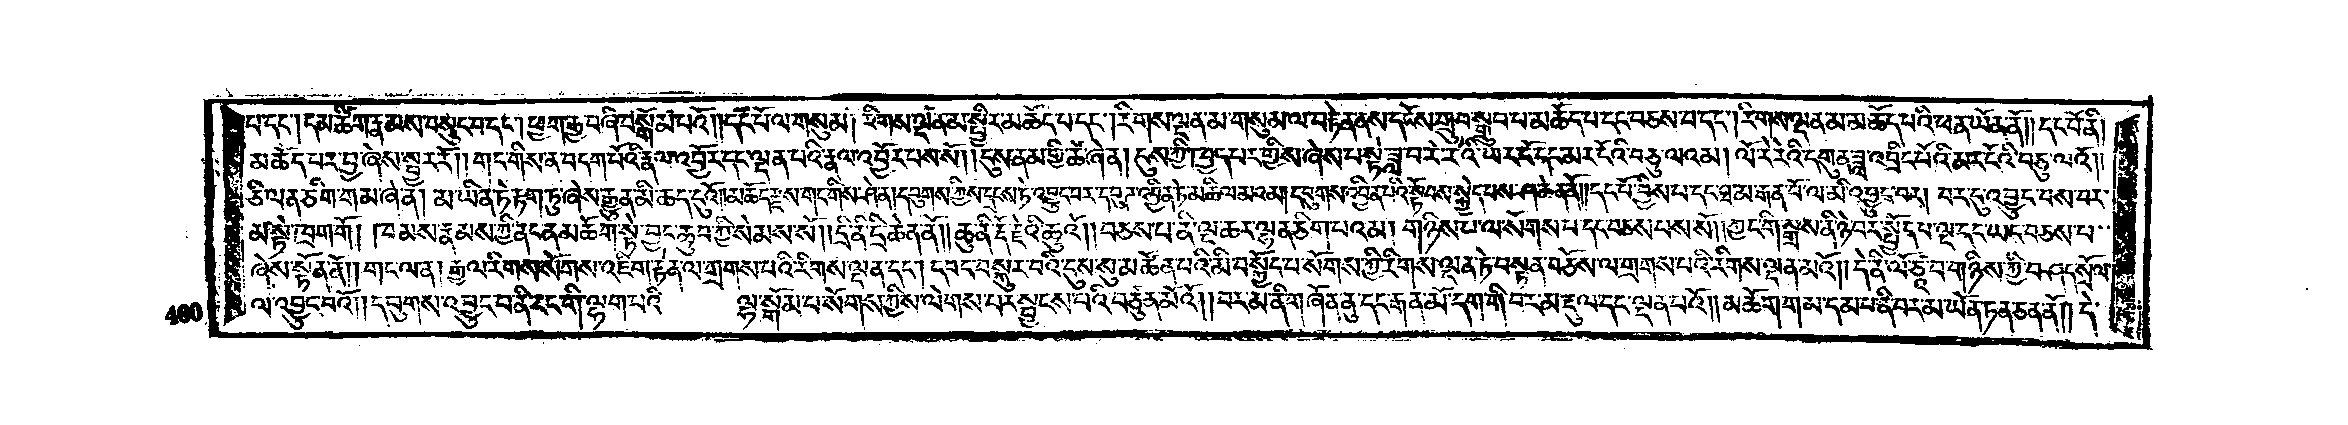པ་དང་། དམ་ཚིག་རྣམས་བསྲུང་བ་དང་། ཕྱག་རྒྱ་བཞི་བསྒོམ་པའོ། །དང་པོ་ལ་གསུམ། རིགས་ལྡན་མ་སྤྱིར་མཆོད་པ་དང་། རིགས་ལྡན་མ་གསུམ་ལ་བརྟེན་ནས་དངོས་གྲུབ་སྒྲུབ་པ་མཆོད་པ་དང་བཅས་པ་དང་། རིགས་ལྡན་མ་མཆོད་པའི་ཕན་ཡོན་ནོ། །དང་པོ་ནི།
མཆོད་པར་བྱ་ཞེས་སྦྱར་རོ། །གང་གིས་ན་བདག་པོའི་རྣལ་འབྱོར་དང་ལྡན་པའི་རྣལ་འབྱོར་པས་སོ། །དུས་ནམ་གྱི་ཚེ་ཞེ་ན། དུས་ཀྱི་ཁྱད་པར་གྱིས་ཞེས་པ་སྟེ་ཟླ་བ་རེ་རེའི་ཡར་ངོ་དང་མར་ངོའི་བཅུ་ལའམ། ལོ་རེ་རེའི་དགུན་ཟླ་འབྲིང་པོའི་མར་ངོའི་བཅུ་ལའོ། །
ཅི་ལན་ཅིག་གམ་ཞེ་ན། མ་ཡིན་ཏེ་རྟག་ཏུ་ཞེས་རྒྱུན་མི་ཆད་དུའོ། །མཆོད་རྫས་གང་གིས་ཤེ་ན། དབུགས་ཀྱིས་དྲངས་ཏེ་འབྱུང་པར་དབུགས་འབྱིན་ཏེ་མཆིལ་མའམ། དབུགས་འབྱིན་པའི་སྟོབས་སྐྱེད་པས་ཤ་ཆེན་ནོ། །དང་པོ་བྱིས་པ་དང་ཐ་མ་རྒན་པོ་ལ་མི་འབྱུང་བར། བར་དུ་འབྱུང་བས་བར་
མ་སྟེ་ཁྲག་གོ །ཁམས་རྣམས་ཀྱི་ནང་ན་མཆོག་སྟེ་བྱང་ཆུབ་ཀྱི་སེམས་སོ། །དྲི་ནི་དྲི་ཆེན་ནོ། །ཆུ་ནི་རྡོ་རྗེའི་ཆུའོ། །བཅས་པ་ནི་ལྔ་ཆར་ལྷན་ཅིག་པའམ། གཉིས་པ་ལ་སོགས་པ་དང་བཅས་པས་སོ། །ཀྱང་གི་སྒྲས་ནི་ཉེ་བར་སྤྱོད་པ་ལྔ་དང་ཡང་བཅས་པ་
ཞེས་སྟོན་ནོ། །གང་ལ་ན། རྒྱལ་རིགས་སོགས་འཇིག་རྟེན་ལ་གྲགས་པའི་རིགས་ལྡན་དང་། དབང་བསྐུར་བའི་དུས་སུ་མཚོན་པའི་མི་བསྐྱོད་པ་སོགས་ཀྱི་རིགས་ལྡན་ཏེ་བསྟན་བཅོས་ལ་གྲགས་པའི་རིགས་ལྡན་མའོ། །དེ་ནི་ལོ་ཙཱ་བ་གཉིས་ཀྱི་བཤད་སྲོལ་
ལ་འབྱུང་བའོ། །དབུགས་འབྱུང་བ་ནི་རང་གི་ལྷག་པའི་ལྷ་སྒོམ་པ་སོགས་ཀྱིས་ལེགས་པར་སྦྱངས་པའི་བཙུན་མོའོ། །བར་མ་ནི་གཞོན་ནུ་དང་རྒན་མོ་དག་གི་བར་མ་རྡུལ་དང་ལྡན་པའོ། །མཆོག་གམ་དམ་པ་ནི་བར་མ་ཡོན་ཏན་ཅན་ནོ། །དེ་